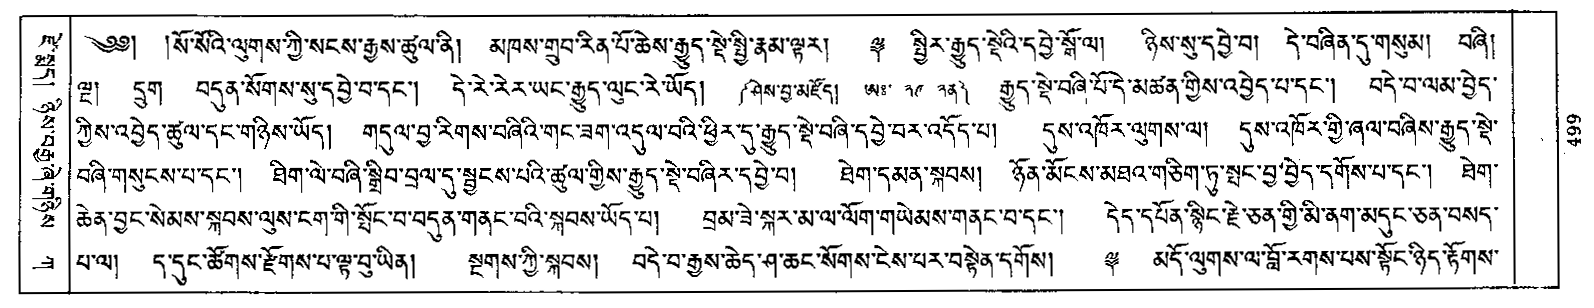༄༅། །སོ་སོའི་ལུགས་ཀྱི་སངས་རྒྱས་ཚུལ་ནི། མཁས་གྲུབ་རིན་པོ་ཆེས་རྒྱུད་སྡེ་སྤྱི་རྣམ་ལྟར། ༈ སྤྱིར་རྒྱུད་སྡེའི་དབྱེ་སྒོ་ལ། ཉིས་སུ་དབྱེ་བ། དེ་བཞིན་དུ་གསུམ། བཞི།
ལྔ། དྲུག་བདུན་སོགས་སུ་དབྱེ་བ་དང་། དེ་རེ་རེར་ཡང་རྒྱུད་ལུང་རེ་ཡོད། ཤེས་བྱ་མཛོད། ཨཿ ༢༩ ༢་ན྄་རྒྱུད་སྡེ་བཞི་པོ་དེ་མཚན་གྱིས་འབྱེད་པ་དང་། བདེ་བ་ལམ་བྱེད་
ཀྱིས་འབྱེད་ཚུལ་དང་གཉིས་ཡོད། གདུལ་བྱ་རིགས་བཞིའི་གང་ཟག་འདུལ་བའི་ཕྱིར་དུ་རྒྱུད་སྡེ་བཞི་དབྱེ་བར་འདོད་པ། དུས་འཁོར་ལུགས་ལ། དུས་འཁོར་གྱི་ཞལ་བཞིས་རྒྱུད་སྡེ་
བཞི་གསུངས་པ་དང་། ཐེག་ལེ་བཞི་སྒྲིབ་བྲལ་དུ་སྦྱངས་པའི་ཚུལ་གྱིས་རྒྱུད་སྡེ་བཞིར་དབྱེ་བ། ཐེག་དམན་སྐབས། ཉོན་མོངས་མཐའ་གཅིག་ཏུ་སྤང་བྱ་བྱེད་དགོས་པ་དང་། ཐེག་
ཆེན་བྱང་སེམས་སྐབས་ལུས་ངག་གི་སྤོང་བ་བདུན་གནང་བའི་སྐབས་ཡོད་པ། བྲམ་ཟེ་སྐར་མ་ལ་ལོག་གཡེམས་གནང་བ་དང་། དེད་དཔོན་སྙིང་རྗེ་ཅན་གྱི་མི་ནག་མདུང་ཅན་བསད་
པ་ལ། ད་དུང་ཚོགས་རྫོགས་པ་ལྟ་བུ་ཡིན། སྔགས་ཀྱི་སྐབས། བདེ་བ་རྒྱས་ཆེད་ཤ་ཆང་སོགས་ངེས་པར་བསྟེན་དགོས། ༈ མདོ་ལུགས་ལ་བློ་རགས་པས་སྟོང་ཉིད་རྟོགས་